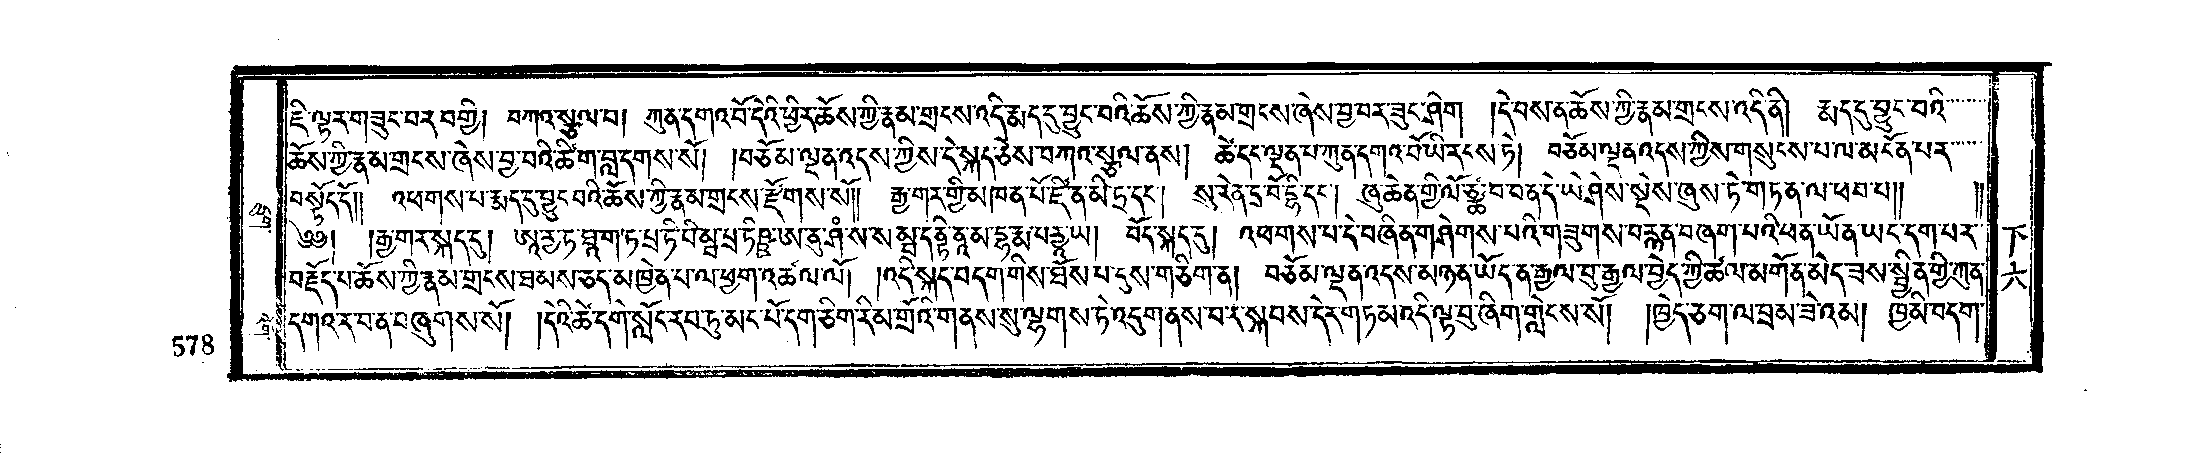ཇི་ལྟར་གཟུང་བར་བགྱི། བཀའ་སྩལ་བ། ཀུན་དགའ་བོ་དེའི་ཕྱིར་ཆོས་ཀྱི་རྣམ་གྲངས་འདི་རྨད་དུ་བྱུང་བའི་ཆོས་ཀྱི་རྣམ་གྲངས་ཞེས་བྱ་བར་ཟུང་ཤིག །དེ་བས་ན་ཆོས་ཀྱི་རྣམ་གྲངས་འདི་ནི། རྨད་དུ་བྱུང་བའི་
ཆོས་ཀྱི་རྣམ་གྲངས་ཞེས་བྱ་བའི་ཚིག་བླ་དགས་སོ། །བཅོམ་ལྡན་འདས་ཀྱིས་དེ་སྐད་ཅེས་བཀའ་སྩལ་ནས། ཚེ་དང་ལྡན་པ་ཀུན་དགའ་བོ་ཡི་རངས་ཏེ། བཅོམ་ལྡན་འདས་ཀྱིས་གསུངས་པ་ལ་མངོན་པར་
བསྟོད་དོ།། འཕགས་པ་རྨད་དུ་བྱུང་བའི་ཆོས་ཀྱི་རྣམ་གྲངས་རྫོགས་སོ།། རྒྱ་གར་གྱི་མཁན་པོ་ཛི་ན་མི་ཏྲ་དང་། སུ་རེན་དྲ་བོ་དྷི་དང་། ཞུ་ཆེན་གྱི་ལོ་ཙྪ་བ་བན་དེ་ཡེ་ཤེས་སྡེས་ཞུས་ཏེ་གཏན་ལ་ཕབ་པ།། །།
༄༅། །རྒྱ་གར་སྐད་དུ། ཨཱ་རྱ་ཏ་ཐཱ་ག་ཏ་པྲ་ཏི་བིམྦ་པྲ་ཏིཥཊཿཨ་ཨ་ནུ་ཤཾ་ས་སམྦ་དནྟི་ནཱ་མ་དྷ་རྨ་པརྱཱ་ཡ། བོད་སྐད་དུ། འཕགས་པ་དེ་བཞིན་གཤེགས་པའི་གཟུགས་བརྙན་བཞག་པའི་ཕན་ཡོན་ཡང་དག་པར་
བརྗོད་པ་ཆོས་ཀྱི་རྣམ་གྲངས་ཐམས་ཅད་མཁྱེན་པ་ལ་ཕྱག་འཚལ་ལོ། །འདི་སྐད་བདག་གིས་ཐོས་པ་དུས་གཅིག་ན། བཅོམ་ལྡན་འདས་མཉན་ཡོད་ན་རྒྱལ་བུ་རྒྱལ་བྱེད་ཀྱི་ཚལ་མགོན་མེད་ཟས་སྦྱིན་གྱི་ཀུན་
དགའ་ར་བ་ན་བཞུགས་སོ། །དེའི་ཚེ་དགེ་སློང་རབ་ཏུ་མང་པོ་དག་ཅིག་རིམ་གྲོའི་གནས་སུ་ལྷགས་ཏེ་འདུག་ནས་བར་སྐབས་དེར་གཏམ་འདི་ལྟ་བུ་ཞིག་གླེངས་སོ། །ཁྱེད་ཅག་ལ་བྲམ་ཟེ་འམ། ཁྱིམ་བདག་